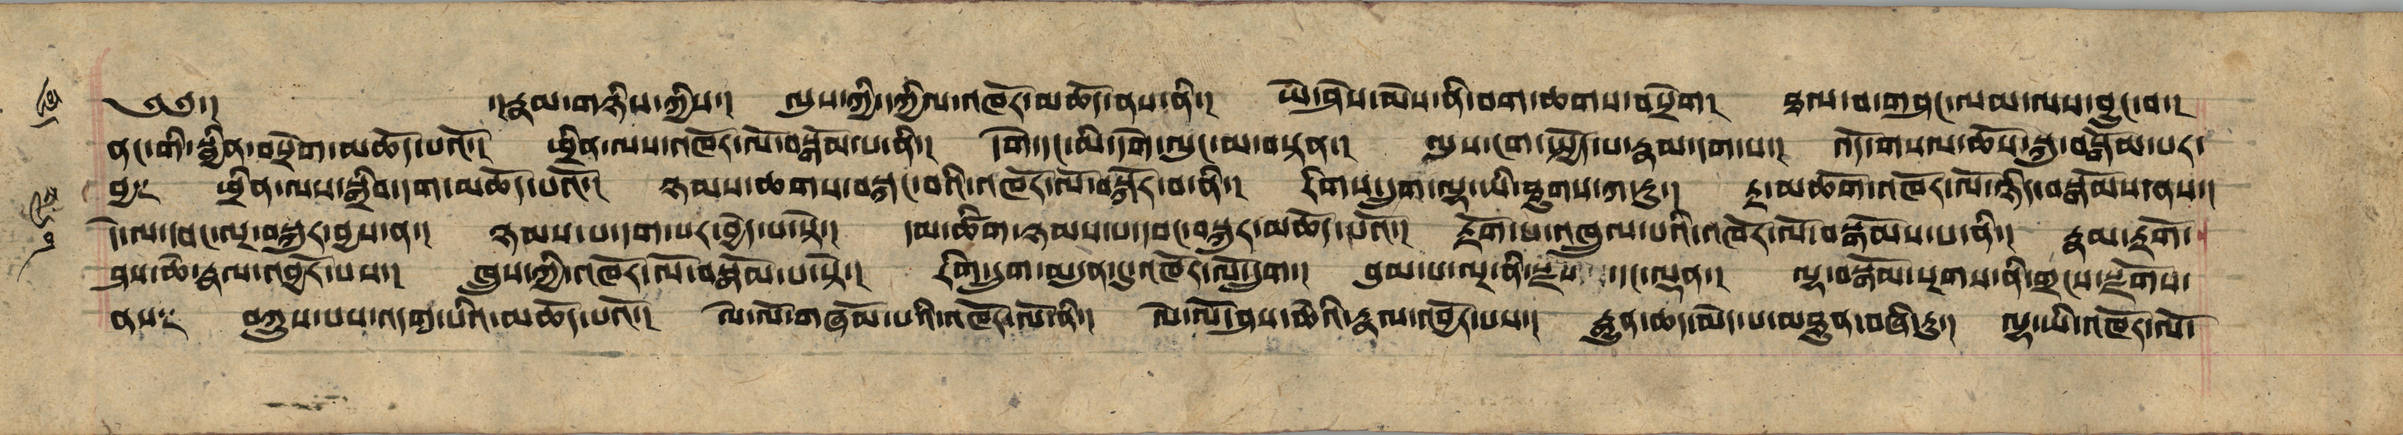༄༅་། ་།རྣམ་གཉིས་ཀྱིས་། ལུས་ཀྱི་དཀྱིལ་འཁོར་མཆོད་ནས་ནི་། ཡེ་ཤེས་མེས་ནི་བག་ཆགས་བསྲེག། ཐལ་བ་གཤང་ལམ་ལས་བྱུང་བ་།
ནང་གི་སྦྱིན་བསྲེག་མཆོད་པའོ་། ཕྲིན་ལས་འཁོར་ལོ་བསྒོམ་པ་ནི་། དགེ་དང་མི་དགེ་ལུང་མ་བསྟན་། ལུས་ངག་སྤྱོད་པ་རྣམ་དག་པ་། འདོ་གསལ་ཆོས་སྐུ་བསྒོམ་པར་
བྱ༑ ཕྲིན་ལས་སྒྲིབ་དག་མཆོད་པའོ་། ཉམས་ཆགས་བསྐང་བའི་འཁོར་ལོ་བསྐོར་བ་ནི་། རིགས་དྲུག་ལྷ་ཡི་ཐུགས་ཀ་རུ་། རྟ་མཆོག་འཁོར་ལོ་ཉིད་བསྒོམས་ནས་།
དེ་ལ་དབང་ལྔ་བསྐུར་བྱས་ན་། ཉམས་པ་དག་པར་བྱེད་པ་སྟེ་། དམ་ཚིག་ཉམས་པ་དབང་བསྐུར་མཆོད་པའོ་། རྟོག་པ་འཁྲུལ་པའི་འཁོར་ལོ་བསྒོམས་པ་ནི་། རྣམ་རྟོག་
ཤས་ཆེ་རྣལ་འབྱོར་པས་། ཁྲུས་ཀྱི་འཁོར་ལོ་བསྒོམ་པ་སྟེ་། རིག་དྲུག་མདུན་དུ་འཁོར་ལོ་དྲུག་། བུམ་པ་ལྔ་ནི་སྫས ་དང་ལྡན་། ལྷ་བསྒོམ་སྔགས་ནི་གྲངས་སྫོགས་
ནས༑ བཀྲུས་པས་འདག་པའི་མཆོད་པའོ་། ལེ་ལོ་གཞོམ་པའི་འཁོར་ལོ་ནི་། ལེ་ལོ་ཤས་ཆེའི་རྣལ་འབྱོར་པས་། རྒྱུན་ཆད་མེད་པ་མཐུན་བཞི་རུ་། ལྷ་ཡི་འཁོར་ལོ་